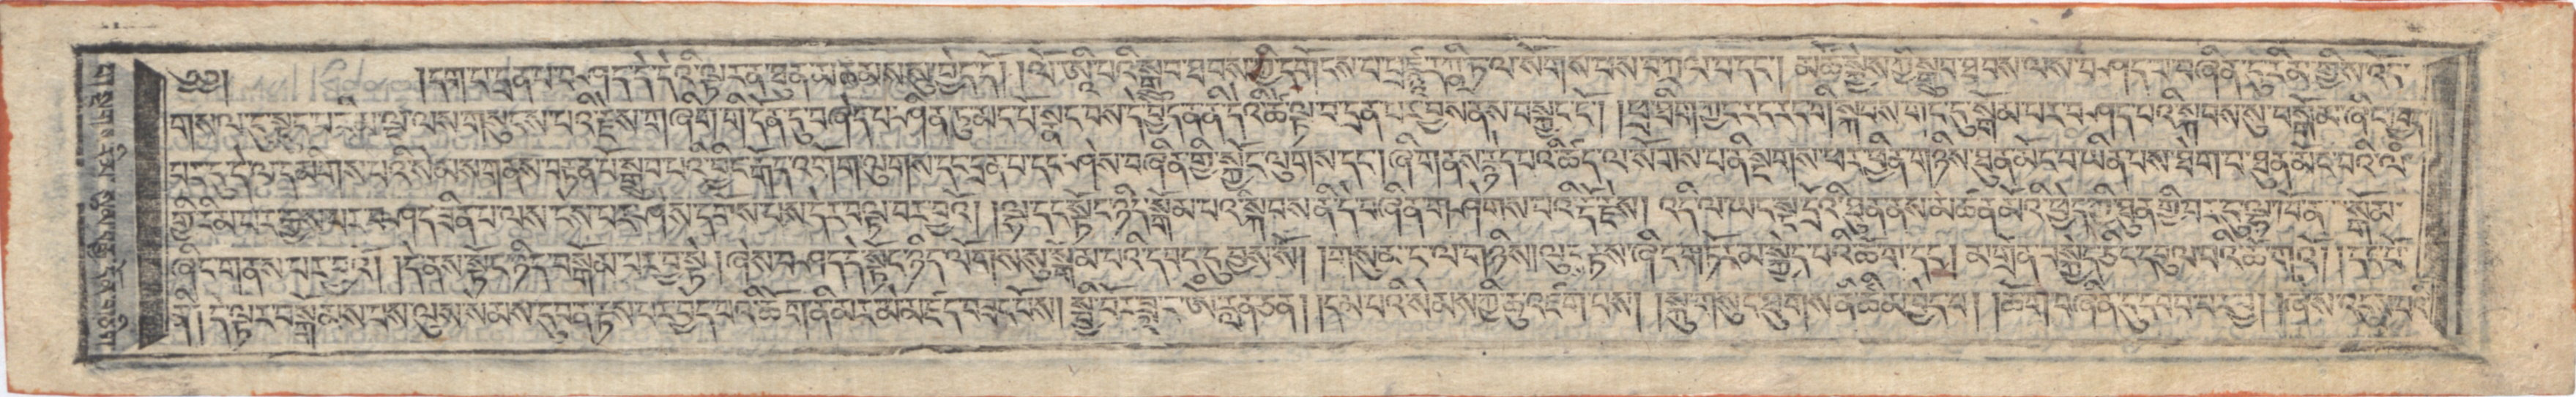༄༅། །དག་པ་དྲན་པ་བཤད་དེ་དེའི་ལྟར་ན་ཐུན་མཚམས་སུ་བྱེད་དོ། །ལོ་ཨཱི་པའི་སྒྲུབ་ཐབས་ཀྱི་དགོངས་པ་པྲཛྙཱ་རཀྵི་ཏ་ལ་སོགས་པས་བཀྲལ་པ་དང་། མཚོ་སྐྱེས་ཀྱི་སྒྲུབ་ཐབས་ལས་བཤད་པ་བཞིན་དུ་རིམ་གྱིས་འོད་
གསལ་དུ་སྡུད་པ་རིམ་ལྔ་ལས་གསུངས་པའི་རྗེས་གཞིག་གི་དོན་དུ་བཞེད་པ་ཤིན་ཏུ་མང་པོ་སྣང་བས་དེ་བྱེད་ན་ནི་དེའི་ཚེ་ལྟ་བ་དྲན་པར་བྱས་ནས་བསྐྱང་ངོ། །ཕྲ་ཐིག་ཀྱང་རང་རང་གི་སྐབས་གང་དུ་སྒོམ་པར་བཤད་པའི་སྐབས་སུ་བསྒོམ་ཞིང་ཁྱད་
པར་དུ་དེ་ལ་དམིགས་པའི་སེམས་གནས་བརྟན་པོ་སྒྲུབ་པའི་བྱིང་རྒོད་འགོག་ལུགས་དང་དྲན་པ་དང་ཤེས་བཞིན་གྱི་སྐྱོང་ལུགས་དང་། ཞི་གནས་རྙེད་པའི་ཚད་ལ་སོགས་པ་ནི་སྔགས་ཕར་ཕྱིན་གཉིས་ཐུན་མོང་བ་ཡིན་པས་ཐེག་པ་ཐུན་མོང་བའི་ལཾ་
གྱི་རིམ་པར་རྒྱས་པར་བཤད་ཟིན་པ་ལས་ངེས་པར་ཤེས་དགོས་པས་དེར་བལྟ་བར་བྱའོ། །ལྷ་དང་སྟོང་ཉིད་སྒོམ་པའི་སྐབས་ནི་དེ་བཞིན་གཤེགས་པའི་རྡོ་རྗེས། འདི་ལ་ཡང་སྔ་དྲོའི་ཐུན་ནས་མཚན་མོའི་ཕྱེད་ཀྱི་ཐུན་གྱི་བར་དུ་ལྷ་ཁོ་ན་སྒོམ་
ཞིང་གནས་པར་བྱའོ། །དེ་ནས་སྟོང་ཉིད་བསྒོམ་པར་བྱ་སྟེ། ཞེས་བཤད་དེ་སྟོང་ཉིད་ལོགས་སུ་སྒོམ་པའི་དབང་དུ་བྱས་སོ། །གསུམ་པ་ལ་གཉིས། ལུགས་རྟས་ཞིང་གཏོར་མ་སྐྱེད་པའི་ཆོ་ག་དང་། མགྲོན་བསྐྱེད་ཅིང་དབུལ་བའི་ཆོ་གའོ། །དང་པོ་
ནི། དེ་ལྟར་བསྒོམས་པས་ལུས་སེམས་དུབ་ན་རྟས་པར་བྱེད་པའི་ཆོག་ནི་མར་མེ་མཛད་བཟང་པོས། སྤྱི་བོར་ཟླ་བ་ཨོཾ་རླན་ཅན། །དམ་པའི་སེམས་ཀྱི་ཆུ་འཛག་པས། །སྐུ་གསུང་ཐུགས་ནི་ཚིམ་བྱེད་པ། །ཆོ་ག་བཞིན་དུ་དབབ་པར་བྱ། །ཞེས་འདུས་པའི་